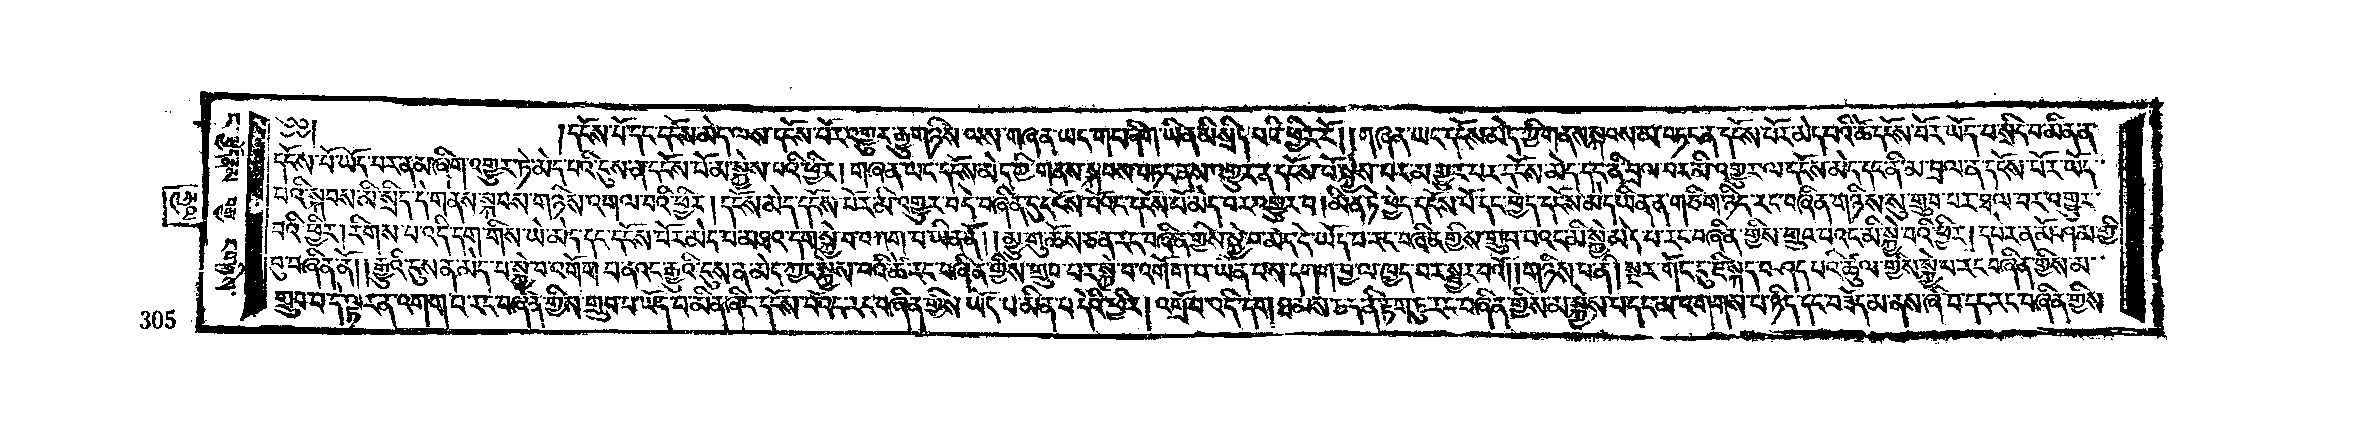༄༅། །དངོས་པོ་དང་དངོས་མེད་ལས་དངོས་པོར་འགྱུར་རྒྱུ་གཉིས་ལས་གཞན་ཡང་གང་ཞིག་ཡིན་མི་སྲིད་པའི་ཕྱིར་རོ། །གཞན་ཡང་དངོས་མེད་ཀྱི་གནས་སྐབས་མ་བཏང་ན་དངོས་པོར་མེད་པའི་ཚེ་དངོས་པོར་མེད་པའི་ཚེ་དངོས་པོར་ཡོད་པ་སྲིད་པ་མིན་ན་
དངོས་པོ་ཡོད་པར་ནམ་ཞིག་འགྱུར་ཏེ་མེད་པའི་དུས་ན་དངོས་པོ་མ་སྐྱེས་པའི་ཕྱིར། གཞན་ཡང་དངོས་མེད་ཀྱི་གནས་སྐབས་བཏང་ནས་འགྱུར་ན་དངོས་པོ་སྐྱེས་པར་མ་གྱུར་པར་དངོས་མེད་དང་ནི་བྲལ་བར་མི་འགྱུར་ལ་དངོས་མེད་དང་ནི་མ་བྲལ་ན་དངོས་པོར་ཡོད་
པའི་སྐབས་མི་སྲིད་དེ་གནས་སྐབས་གཉིས་འགལ་བའི་ཕྱིར། དངོས་མེད་དངོས་པོར་མི་འགྱུར་བ་དེ་བཞིན་དུ་དངོས་པོའང་དངོས་པོ་མེད་པར་འགྱུར་བ། མིན་ཏེ་ཕྱེད་དངོས་པོ་དང་ཕྱེད་དངོས་མེད་ཡིན་ན་གཅིག་ཉིད་རང་བཞིན་གཉིས་སུ་གྲུབ་པར་ཐལ་བར་འགྱུར་
བའི་ཕྱིར། རིགས་པ་འདི་དག་གིས་ཡེ་མེད་དང་དངོས་པོར་མེད་པ་མཐའ་དག་སྐྱེ་བ་བཀག་པ་ཡིན་ནོ། །མྱུ་གུ་ཆོས་ཅན་རང་བཞིན་གྱིས་སྐྱེ་བ་མེད་དེ་ཡོད་པ་རང་ཞིན་གྱིས་གྲུབ་པའང་མི་སྐྱེ་མེད་པ་རང་བཞིན་གྱིས་གྲུབ་པའང་མི་སྐྱེ་བའི་ཕྱིར། དཔེར་ན་མོ་ཤམ་གྱི་
བུ་བཞིན་ནོ། །རྒྱུའི་དུས་ན་མེད་པ་སྐྱེ་བ་འགོག་པ་ནའང་རྒྱུའི་དུས་ན་མེད་ཀྱང་སྐྱེས་པའི་ཚེ་རང་བཞིན་གྱིས་གྲུབ་པར་སྐྱེ་བ་འགོག་པ་ཡིན་པས་དགག་བྱ་ལ་ཁྱད་པར་སྦྱར་བའོ། །གཉིས་པ་ནི། སྔར་གོང་དུ་ཇི་སྐད་བཤད་པའི་ཚུལ་གྱིས་སྐྱེ་བ་རང་བཞིན་གྱིས་མ་
གྲུབ་པ་དེ་ལྟར་ན་འགག་པ་རང་བཞིན་གྱིས་གྲུབ་པ་ཡོད་པ་མིན་ཞིང་དངོས་པོའང་རང་བཞིན་གྱིས་ཡོད་པ་མིན་པ་དེའི་ཕྱིར། འགྲོ་བ་འདི་དག་ཐམས་ཅད་ནི་རྟག་ཏུ་རང་བཞིན་གྱིས་མ་སྐྱེས་པ་དང་མ་འགགས་པ་ཉིད་དང་བཟོད་མ་ནས་ཞི་བ་དང་རང་བཞིན་གྱིས་